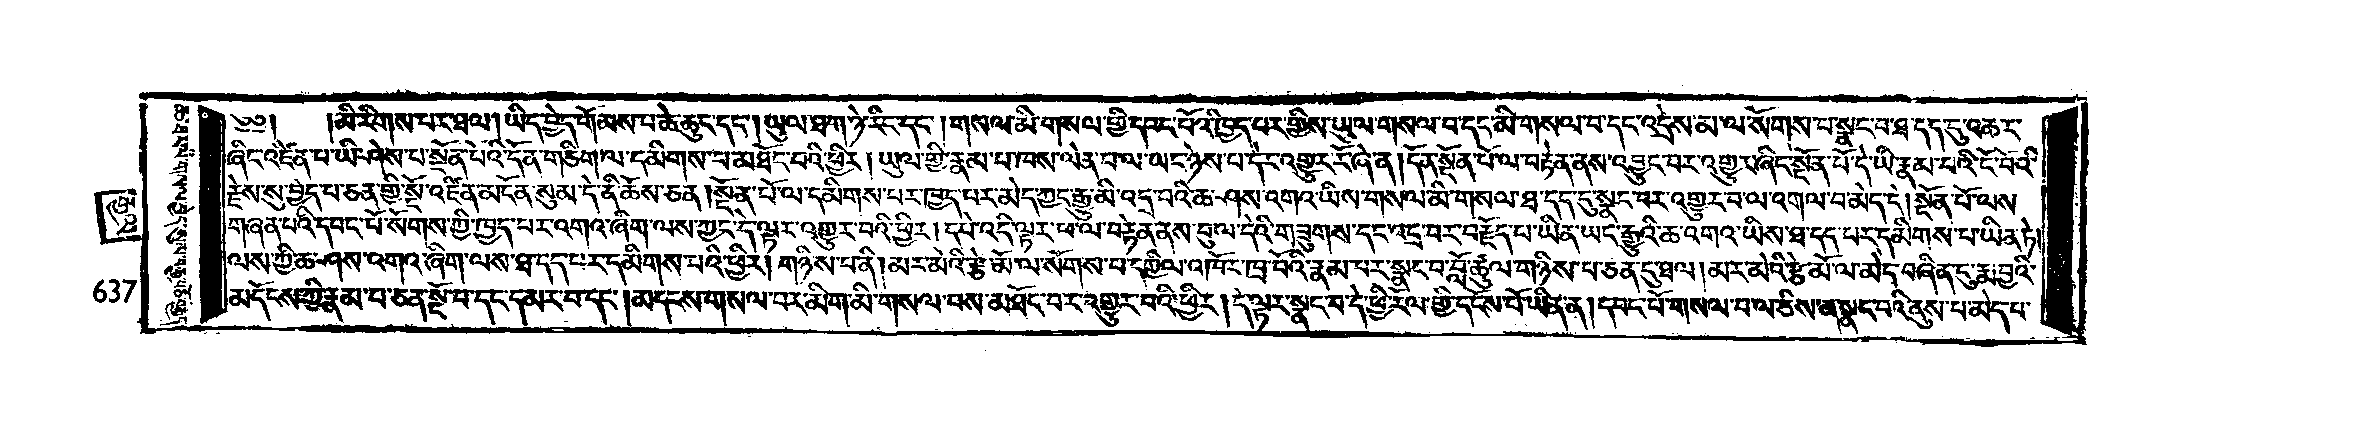༄༅། །མི་རིགས་པར་ཐལ། ཡིད་བྱེད་གོམས་པ་ཆེ་ཆུང་དང་། ཡུལ་ཐག་ཉེ་རིང་དང་། གསལ་མི་གསལ་གྱི་དབང་པོའི་ཁྱད་པར་གྱིས་ཡུལ་གསལ་བ་དང་མི་གསལ་བ་དང་འདྲེས་མ་ལ་སོགས་པ་སྣང་བ་ཐ་དད་དུ་འཚར་
ཞིང་འཛིན་པ་ཡི་ཤེས་པ་སྔོན་པོའི་དོན་གཅིག་ལ་དམིགས་པ་མཐོང་བའི་ཕྱིར། ཡུལ་གྱི་རྣམ་པ་ཁས་ལེན་པ་ལ་ཡང་ཉེས་པ་དེར་འགྱུར་རོ་ཞེ་ན། དོན་སྔོན་པོ་ལ་བརྟེན་ནས་འབྱུང་བར་འགྱུར་ཞིང་སྔོན་པོ་དེ་ཡི་རྣམ་པའི་ངོ་བོའི་
རྗེས་སུ་བྱེད་པ་ཅན་གྱི་སྔོ་འཛིན་མངོན་སུམ་དེ་ནི་ཆོས་ཅན། སྔོན་པོ་ལ་དམིགས་པར་ཁྱད་པར་མེད་ཀྱང་རྒྱུ་མི་འོད་?་པའི་ཆ་ཤས་འགའ་ཡིས་གསལ་མི་གསལ་ཐ་དད་དུ་སྣང་བར་འགྱུར་བ་ལ་འགལ་བ་མེད་དེ། སྔོན་པོ་ལས་
གཞན་པའི་དབང་པོ་སོགས་ཀྱི་ཁྱད་པར་འགའ་ཞིག་ལས་ཀྱང་དེ་ལྟར་འགྱུར་བའི་ཕྱིར། དཔེ་འདི་ལྟར་ཕ་ལ་བརྟེན་ནས་བུ་ལ་དེའི་གཟུགས་དང་འདྲ་བར་བརྗོད་པ་ཡིན་ཡང་རྒྱུའི་ཆ་འགའ་ཡིས་ཐ་དད་པར་དམིགས་པ་ཡིན་ཏེ།
ལས་ཀྱི་ཆ་ཤས་འགའ་ཞིག་ལས་ཐ་དད་པར་དམིགས་པའི་ཕྱིར། གཉིས་པ་ནི། མར་མེའི་རྩེ་མོ་ལ་སོགས་པ་དཀྱིལ་འཁོར་ཁྲ་བོའི་རྣམ་པར་སྣང་བ་བློ་ཚུལ་གཉིས་པ་ཅན་དུ་ཐལ། མར་མེའི་རྩེ་མོ་ལ་མེད་བཞིན་དུ་རྨ་བྱའི་
མདོངས་ཀྱི་རྣམ་པ་ཅན་སྔོ་བ་དང་དམར་བ་དང་། མདངས་གསལ་བར་མིག་མི་གསལ་བས་མཐོང་བར་འགྱུར་བའི་ཕྱིར། དེ་ལྟར་སྣང་བ་དེ་ཕྱི་རོལ་གྱི་དངོས་པོ་ཡིན་ན། དབང་པོ་གསལ་བ་ལ་ཅིས་ན་སྣང་བའི་ནུས་པ་མེད་པ་